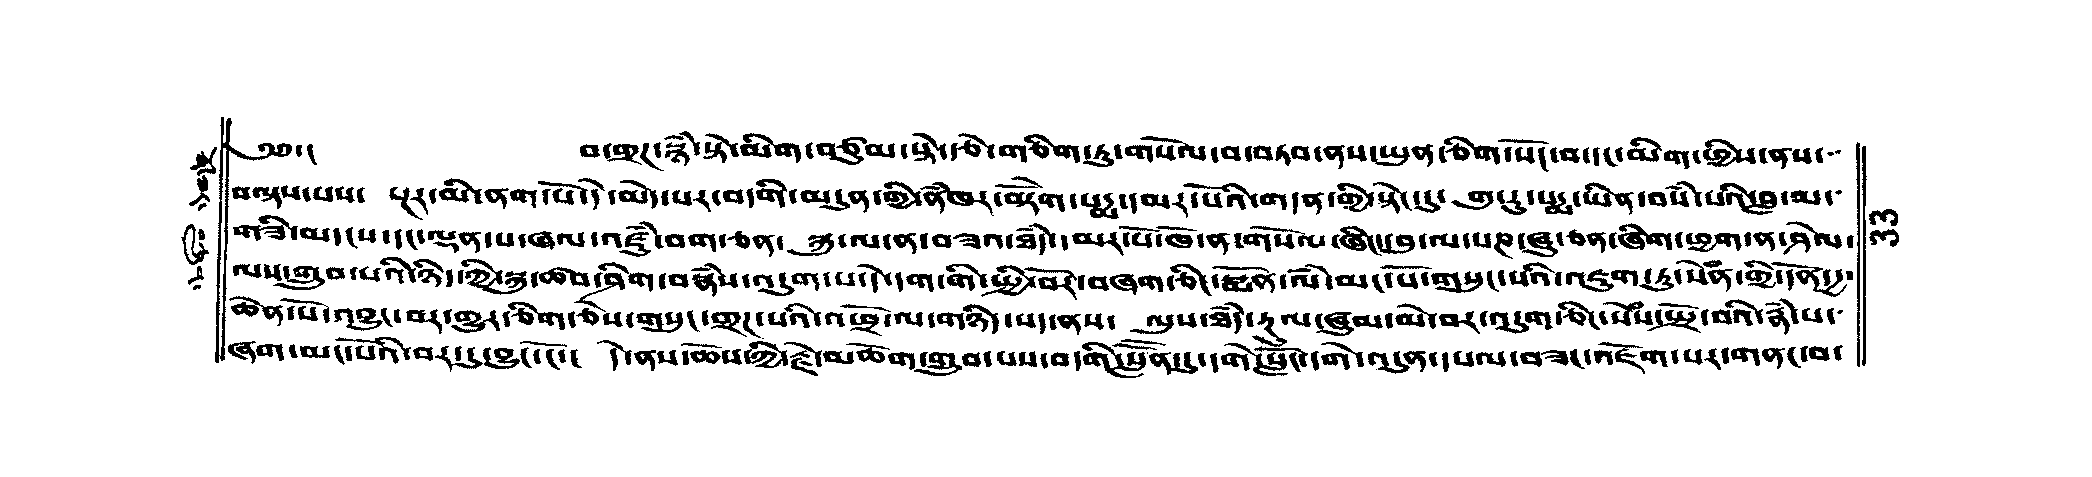བ་དྲག་སྙམ་སྟེ་མིག་བཙུམ་སྟེ་རྩེ་གཅིག་ཏུ་གསོལ་བ་བཏབ་ནས་ཡུན་ཅིག་སོང་བ་དང་མིག་ཕྱིས་ནས་
བལྟས་པས། སྔར་གྱི་མི་ནག་པོ་དེ་མེད་པར་བདག་གི་མདུན་གྱི་ནམ་མཁར་མེ་ཏོག་པདྨ་དམར་པོའི་གདན་གྱི་སྟེང་དུ། གུ་རུ་པདྨ་ཡིན་བསམ་པའི་བླ་མ་
གཟི་མདངས་དང་ལྡན་པ་ཞལ་འཛུམ་བག་ཅན། སྐུ་ལ་ན་བཟའ་ཐམས་ཅད་དམར་པོ་ཁོ་ན་གསོལ་ཞིང་དབུ་ལ་པཎ་ཞུ་ཅན་ཞིག་ཕྱག་ན་ཤེལ་
ལས་གྲུབ་པའི་ཉིད་ཀྱི་སྐུ་ཚབ་ཤིག་བསྣམས་འདུག་པ་དེ་དག་གི་སྤྱི་བོར་བཞག་ཅིང་སྨོན་ལམ་མང་པོ་གསུངས་པའི་འཇུག་ཏུ་སེམས་ཅན་གྱི་དོན་རྒྱ་
ཆེན་པོ་འབྱུང་བར་གྱུར་ཅིག་ཅེས་གསུང་གྲགས་པའི་འཕྲོ་ལ་གཉིད་སད་ནས། ལུས་ཐམས་ཅད་རྔུལ་ཞུམ་མེ་བར་འདུག་ཅིང་སེམས་སྤྲོ་བའི་རྣམ་པ་
ཞག་མང་པོའི་བར་དུ་བྱུང་ངོ་། དེ་ནས་ཆོས་ཀྱི་རྗེ་མཆོག་གྲུབ་པས་བདག་གི་སློབ་དཔོན་དུ་དགེ་སློང་དགེ་འདུན་དཔལ་བཟང་འཇོག་པར་གནང་བ་